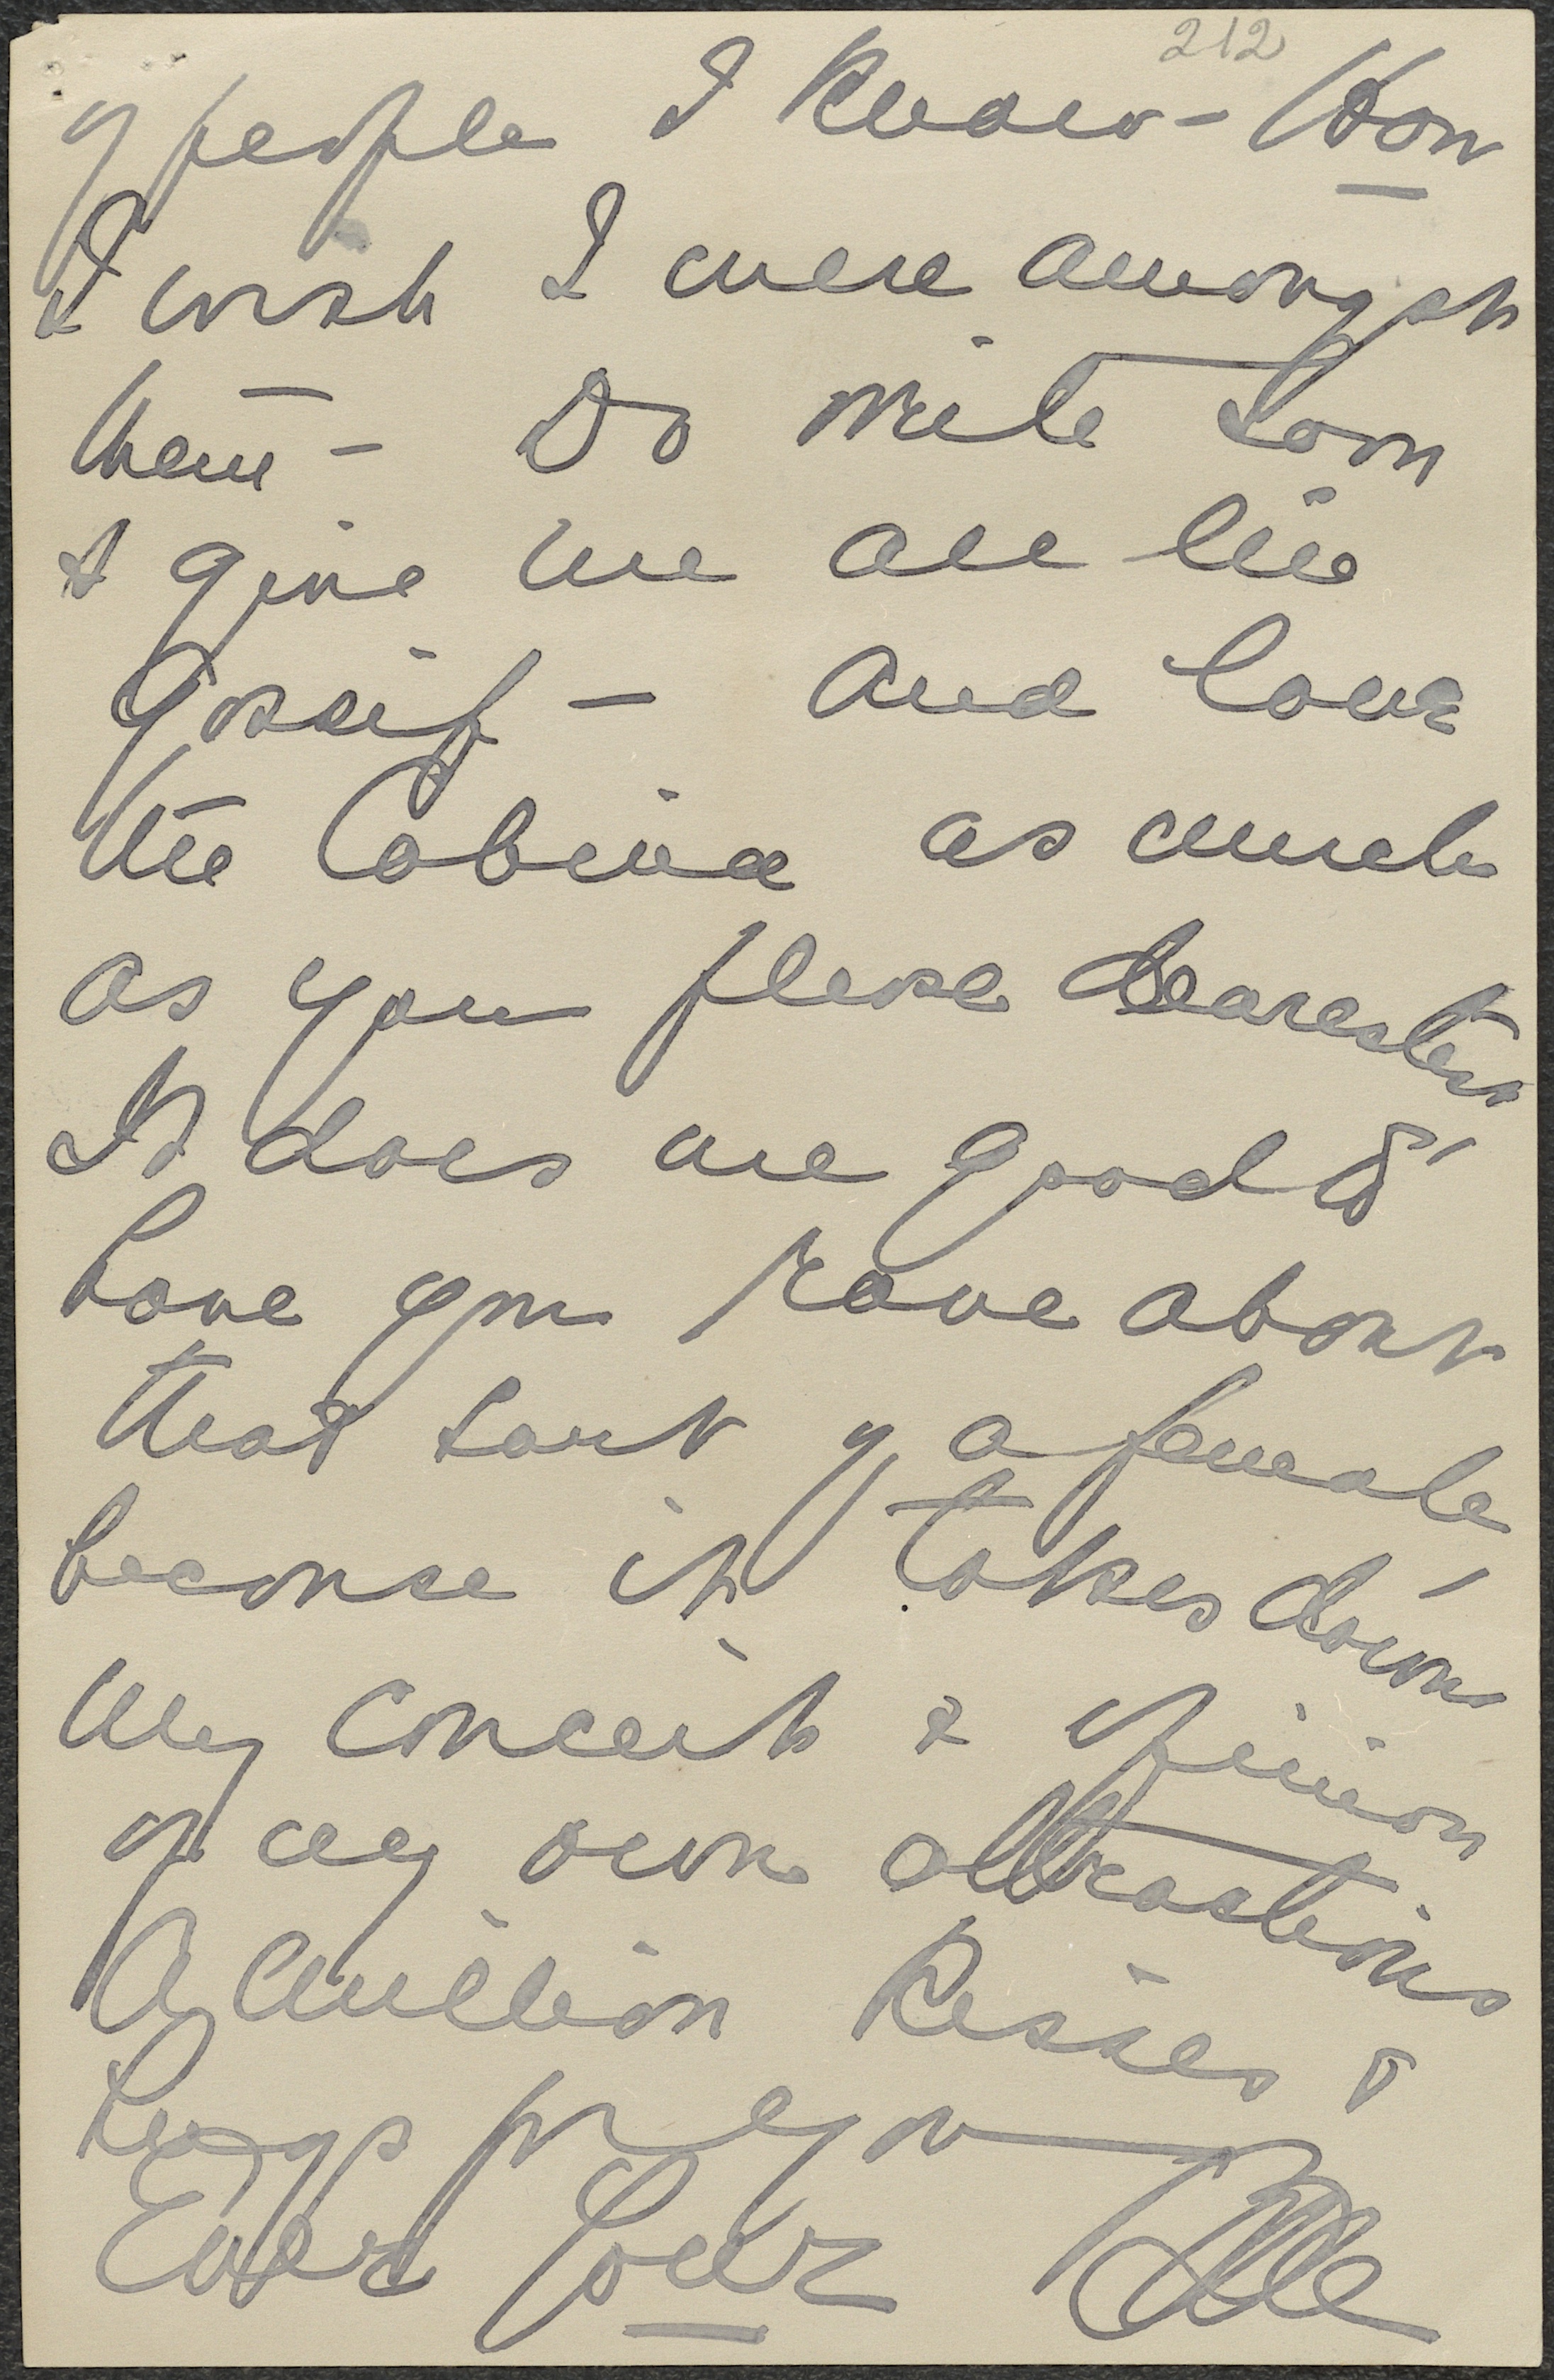of people I know – How I wish I were amongst them – Do write soon & give me all the gossip – and love the Cobina as much as you please dearestest, It does me good to have you rave about that sort of a female because it takes down my conceit & opinion of my own attractions a million kisses & hugs for you
Ever your Belle